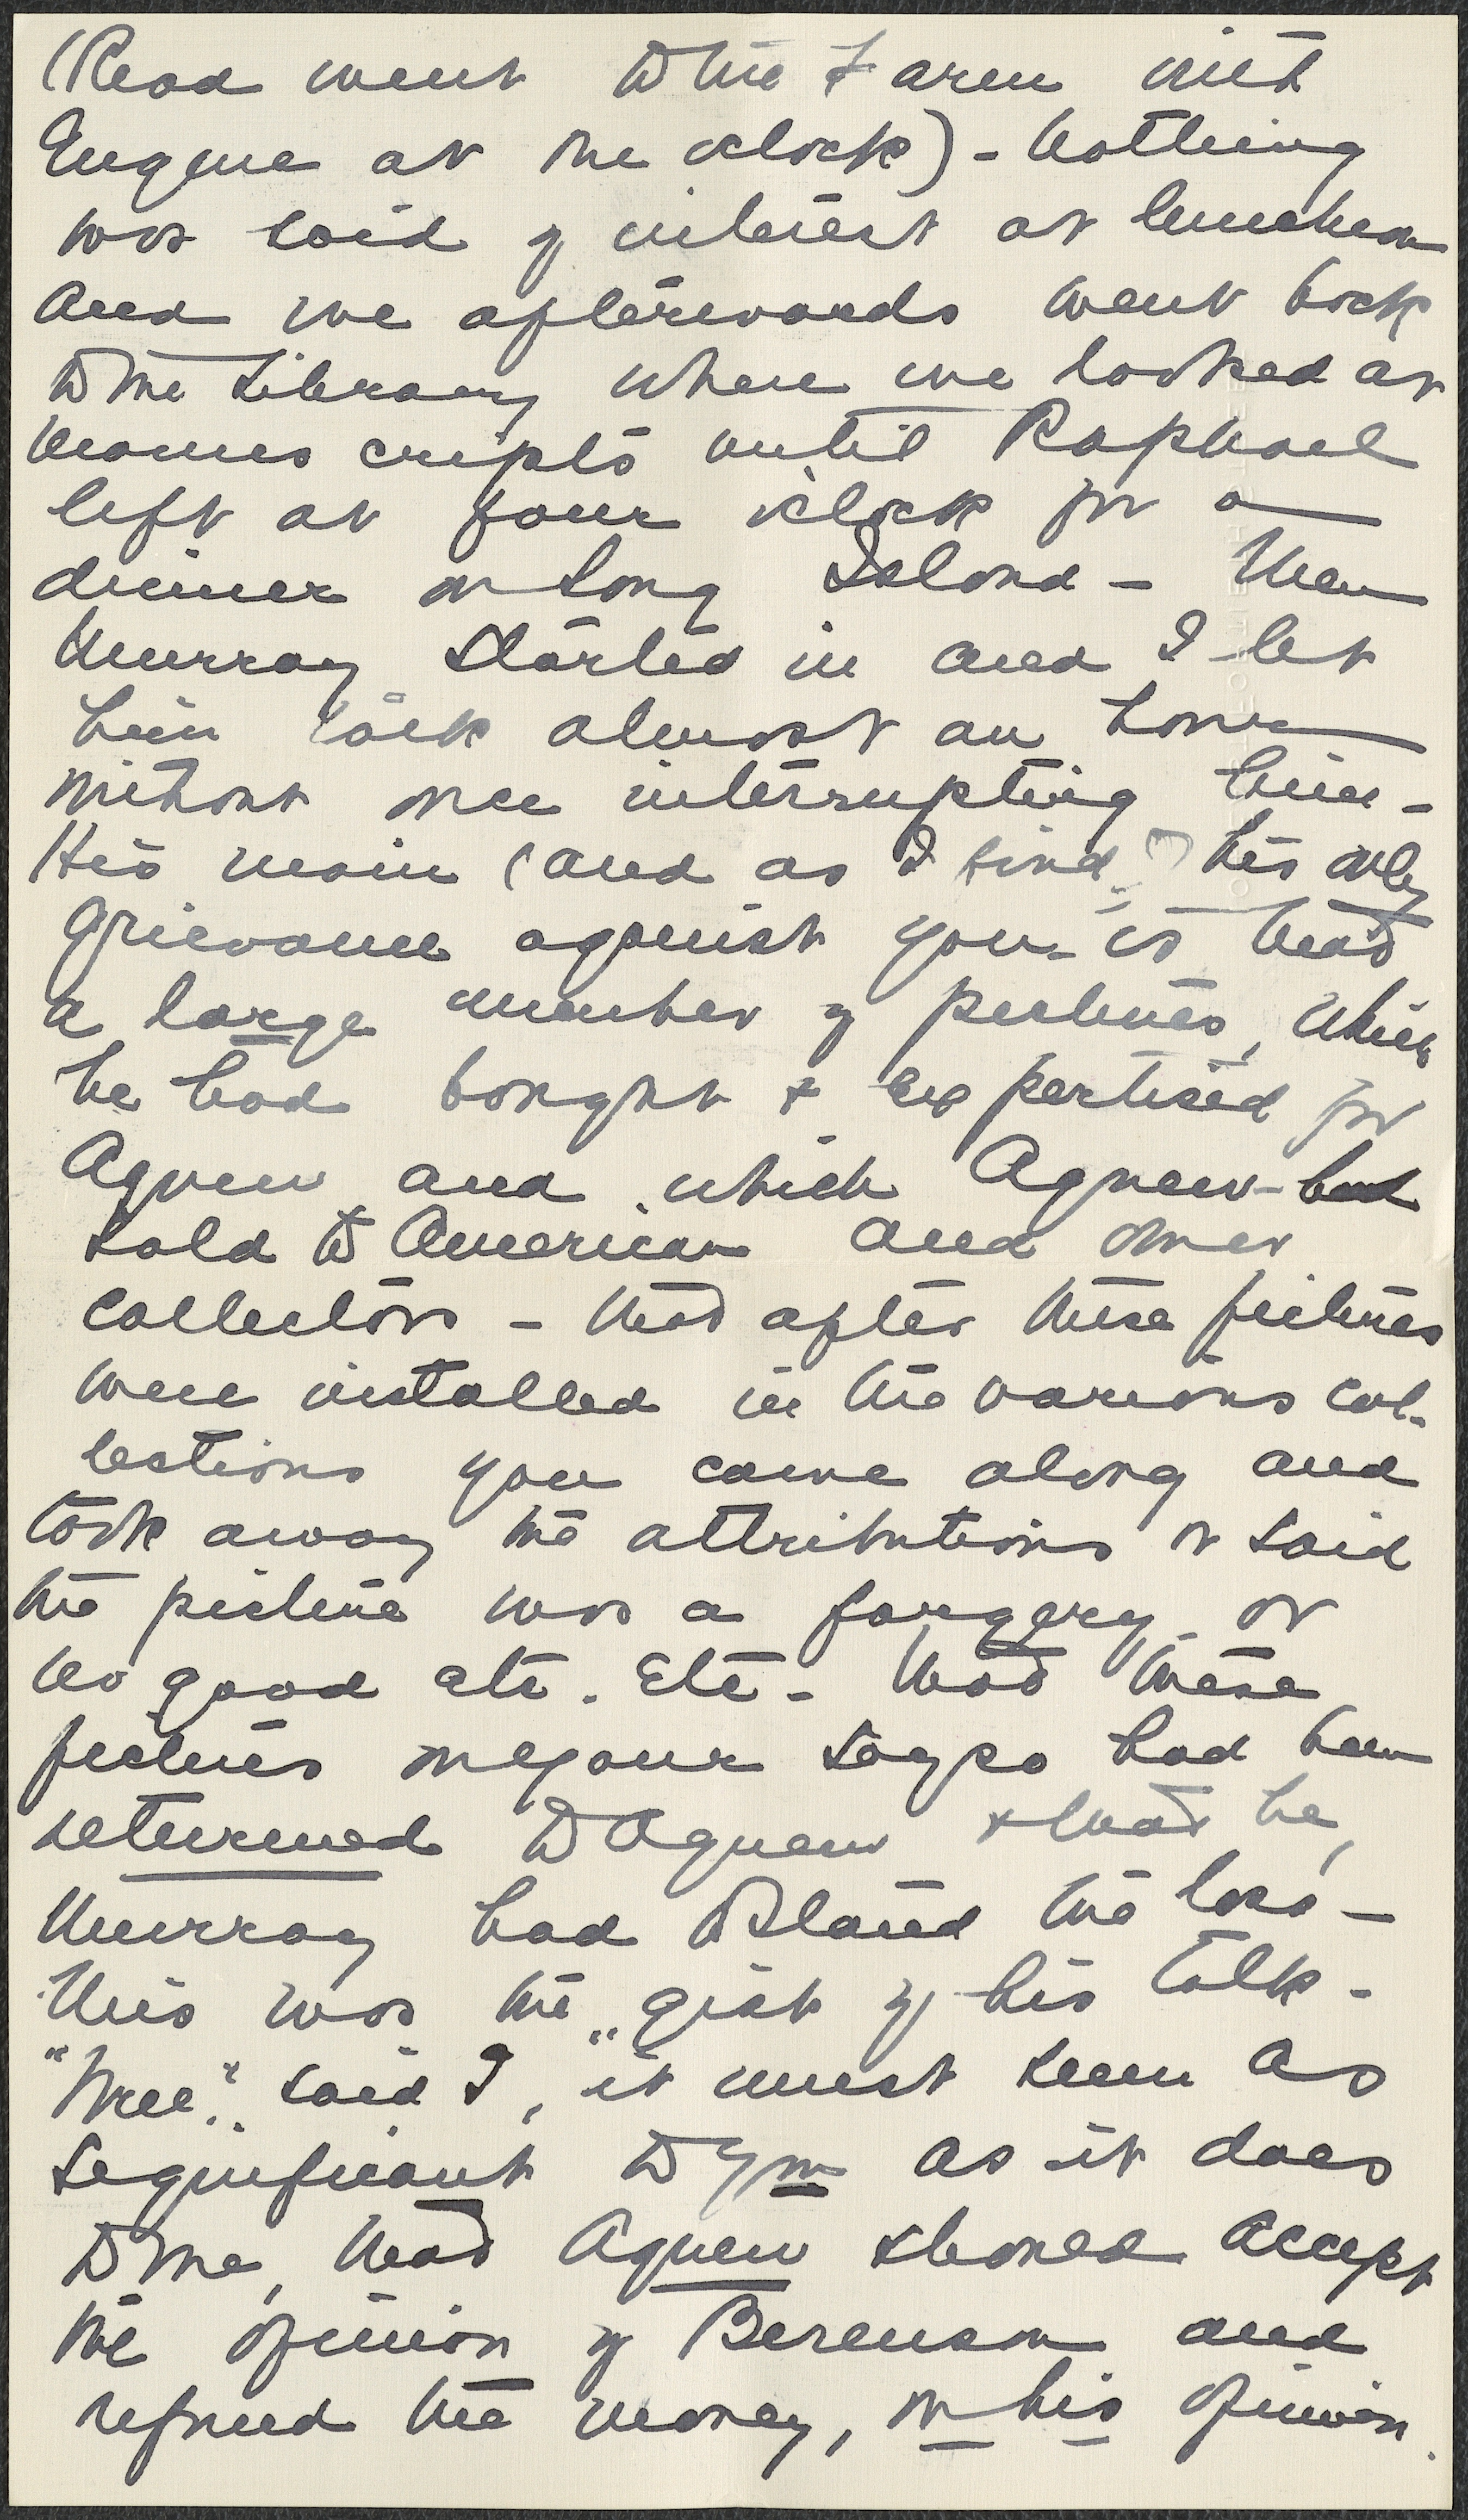(Read went to his Farm with Eugene at one oclock) – Nothing was said of interest at luncheon and we afterwards went back to the Library where we looked at manuscripts until Raphael left at four o'clock for a dinner on Long Island – Then Murray started in and I let him talk almost an hour without once interrupting him – His main (and as I find) his only grievance against you is that a large number of pictures, which he had bought & expertised for Agnew and which Agnew had sold to American and other collectors – that after these pictures were installed in the various collections you came along and took away the attributions or said the picture was a forgery – or no good etc. etc. that these pictures on your sayso [sic] had been returned to Agnew & that he, Murray had to stand the loss – This was the gist of his talk – "Well," said I, "it must seem as significant to you as it does to me, that Agnew should accept the opinion of Berenson and refund the money, on his opinion.